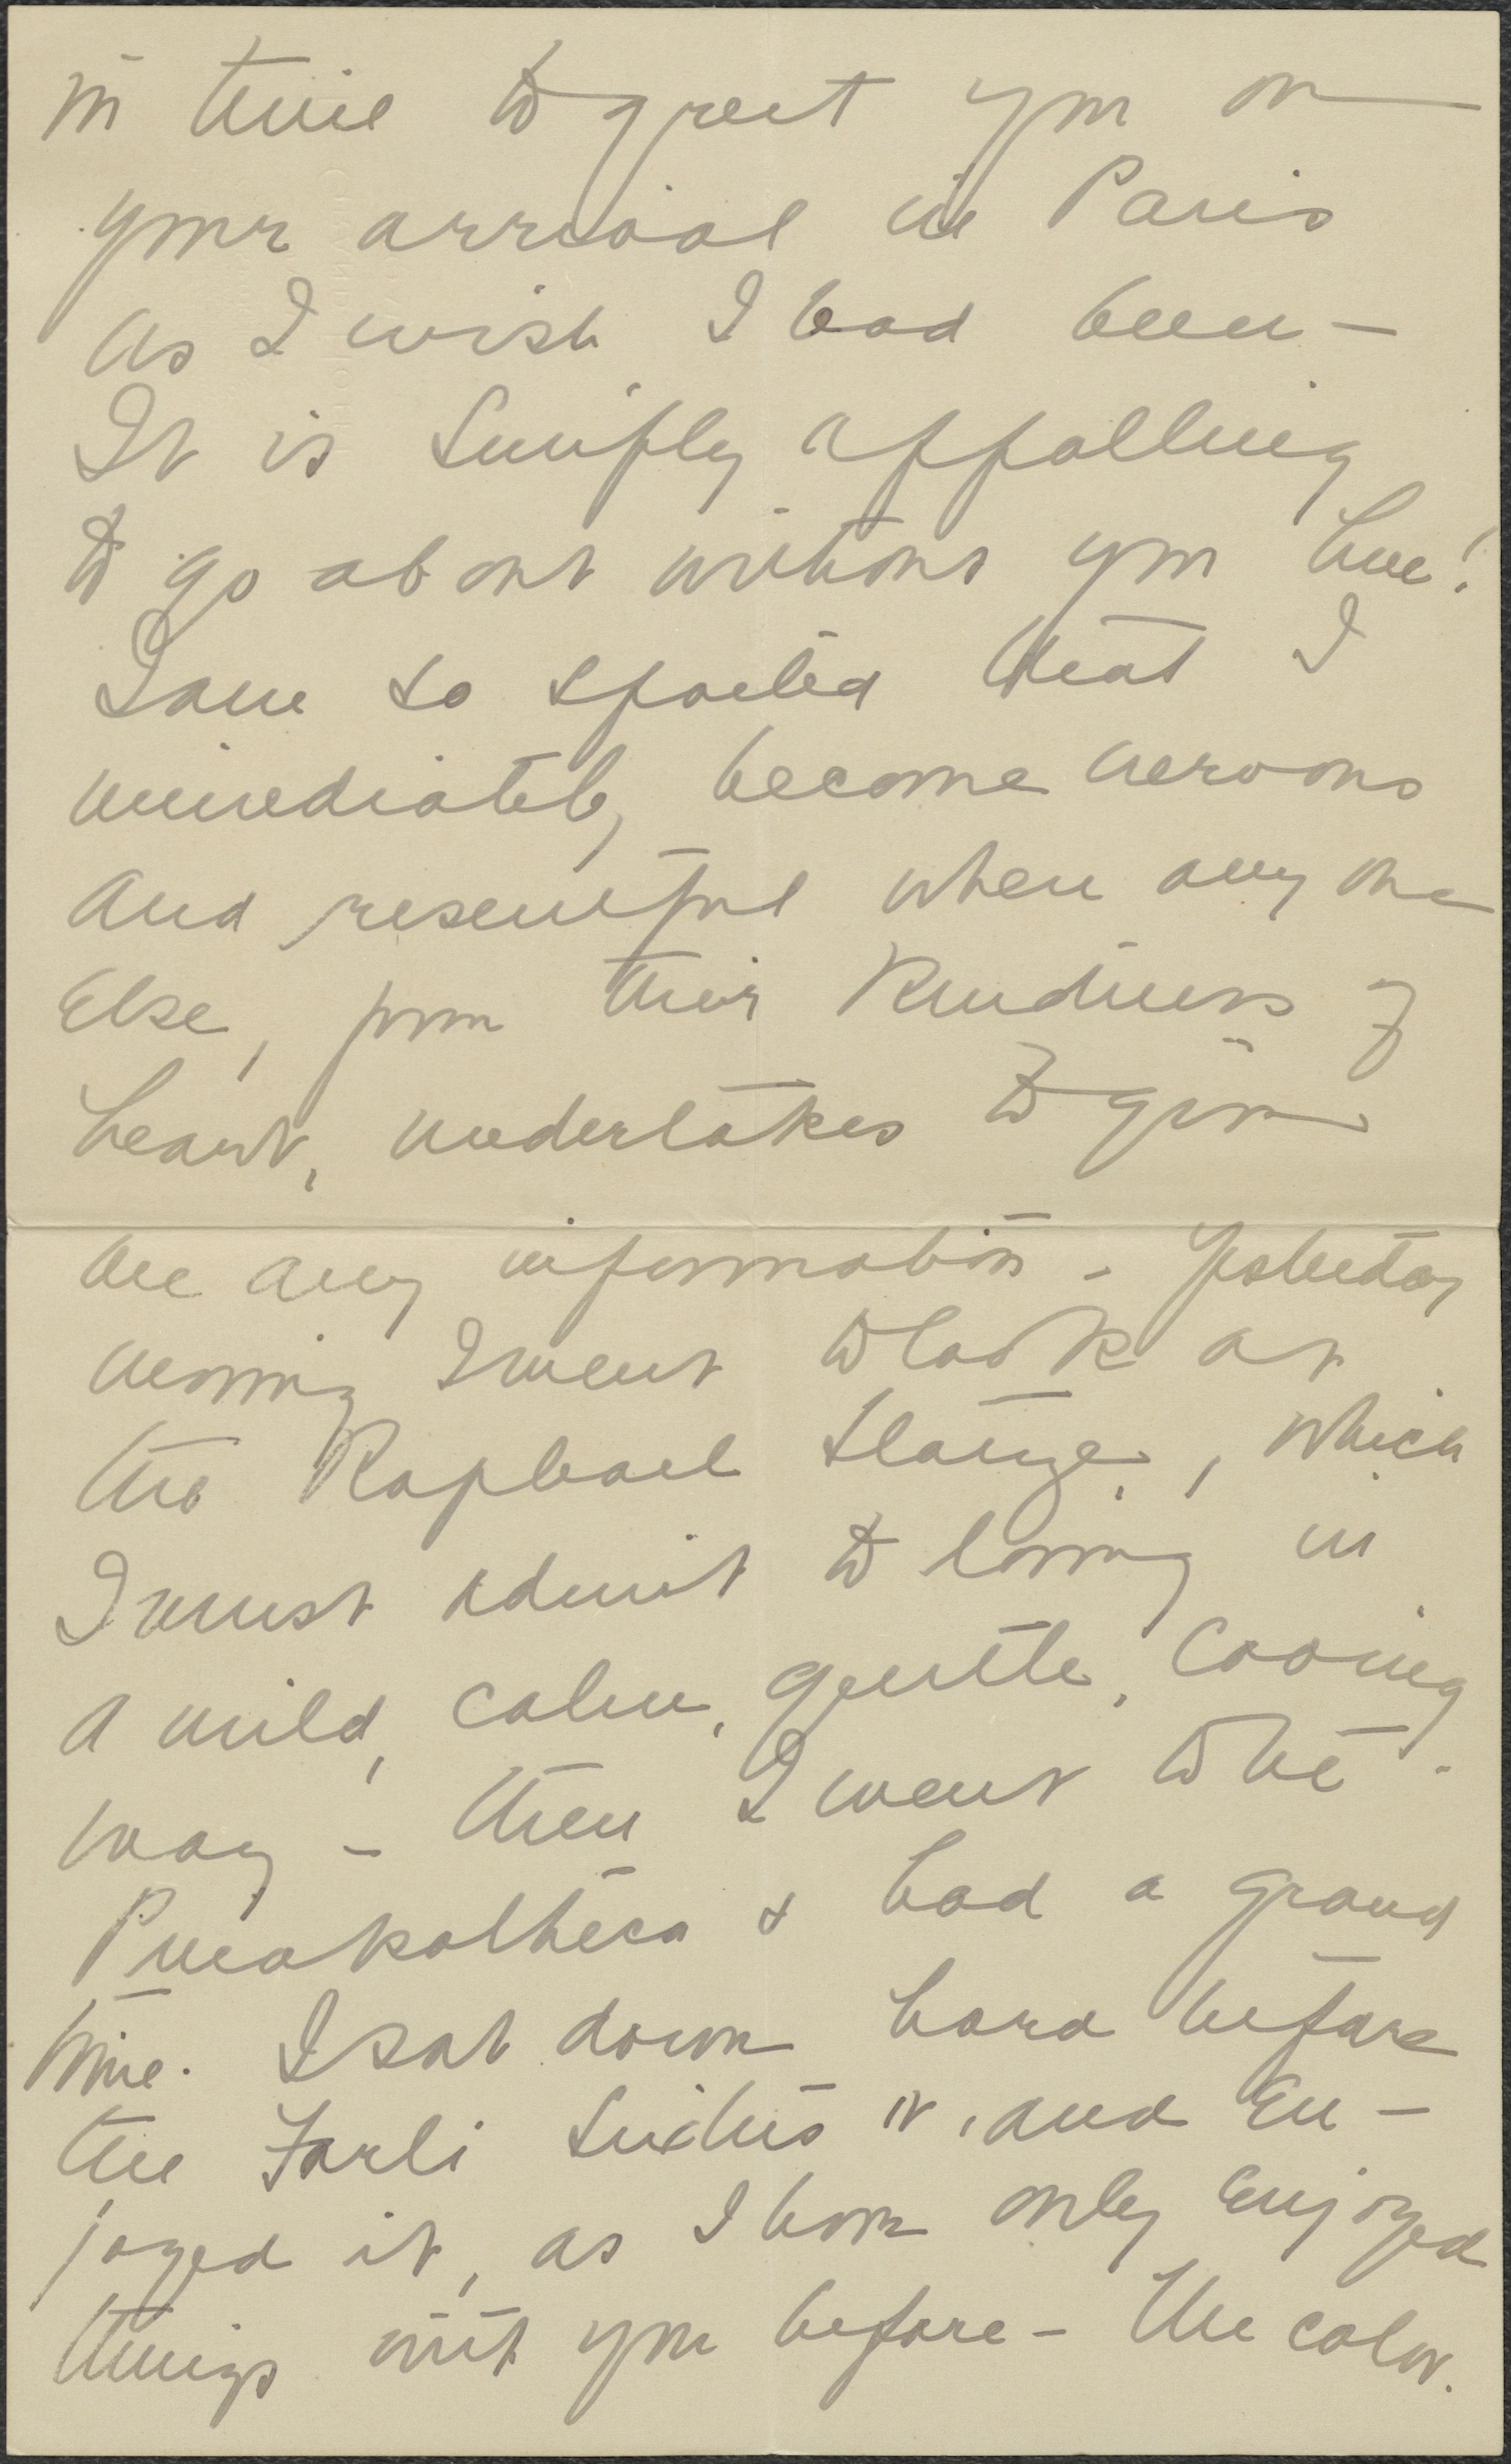in time to greet you on your arrival in Paris as I wish I had been – It is simply appalling to go about without you here! I am so spoiled that I immediately become nervous and resentful when any one else, from their kindness of heart, undertakes to give me any information – Yesterday morning I went to look at the Raphael Stanze, which I must admit to loving in a mild, calm, gentle, cooing way – then I went to the Pinakotheca [sic] and had a grand time. I sat down hard before the Forli Sixtus IV, and enjoyed it, as I have only enjoyed things with you before – The color,